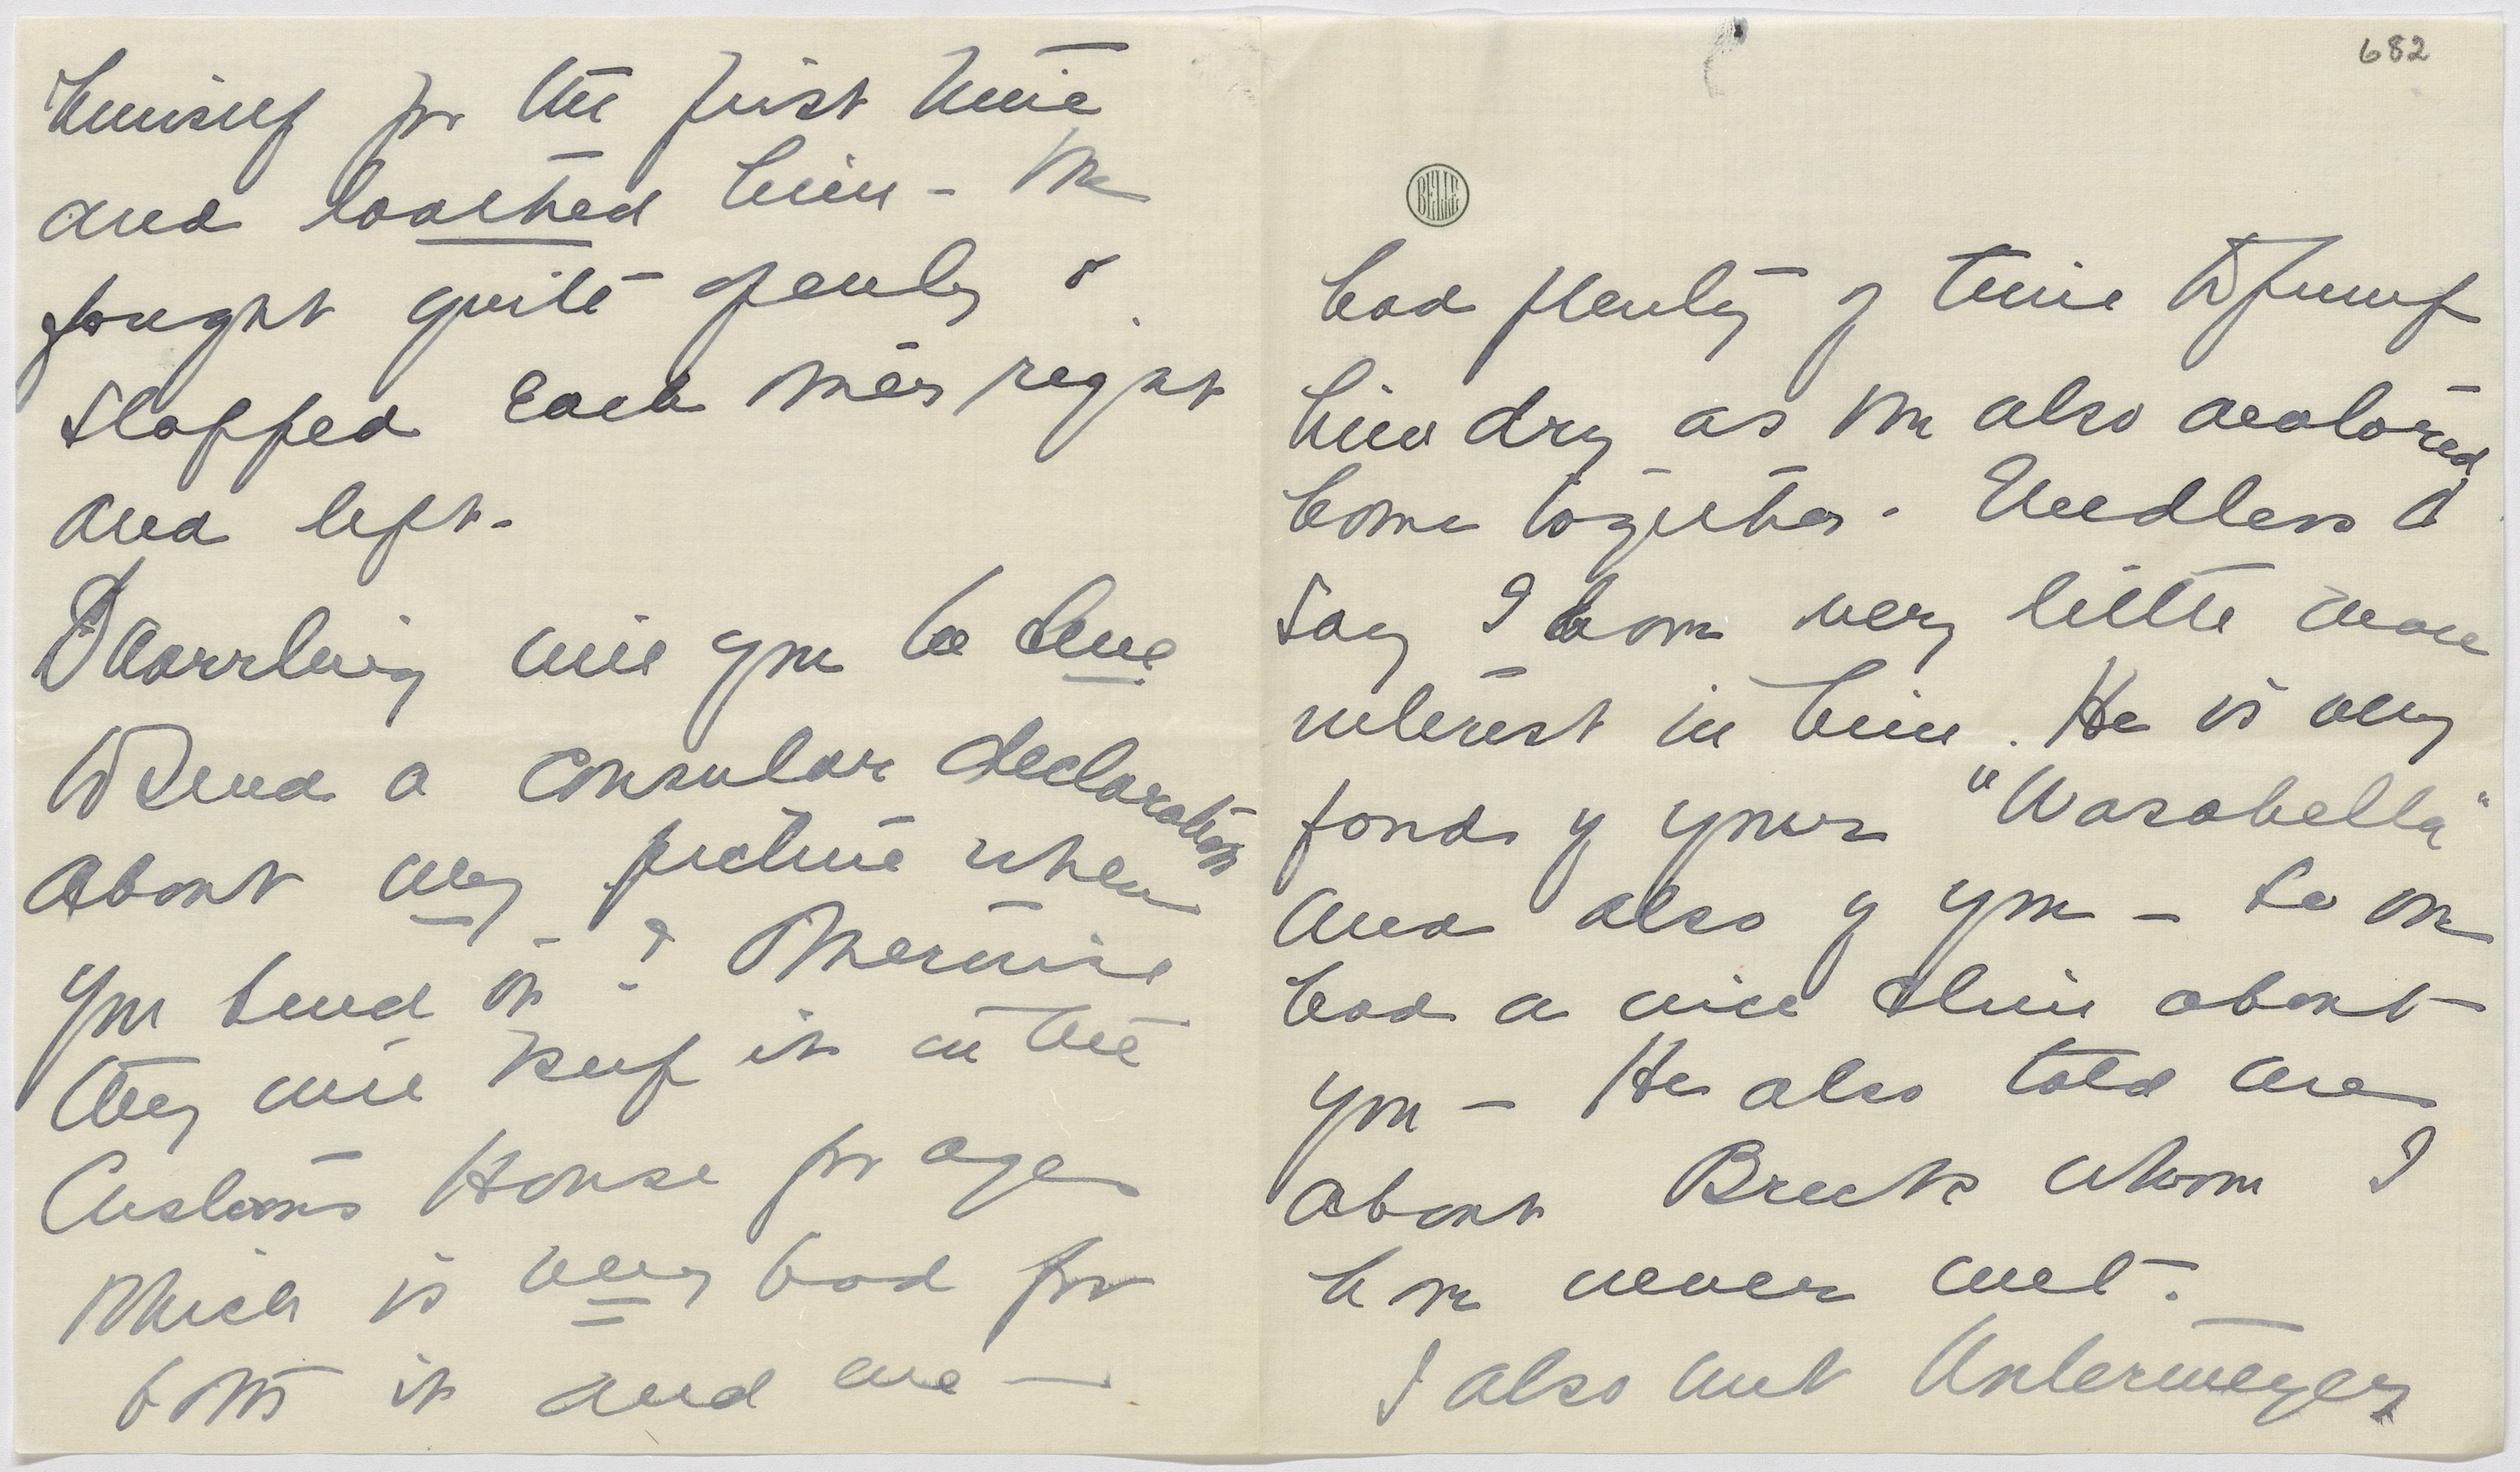had plenty of time to pump him dry as we also motored home together. Needless to say I have very little more interest in him. He is very fond of your “Wasabella” and also of you – so we had a nice chin about you – He also told me about Breck whom I have never met.
I also met Untermeyer [sic]
himself for the first time and loathed him – We fought quite openly & slapped each other right and left –
Daarrling will you be sure to send a consular declaration about my picture when you send it? Otherwise they will keep it in the Customs House for ages which is [double underlined: very] bad for both it and me –.